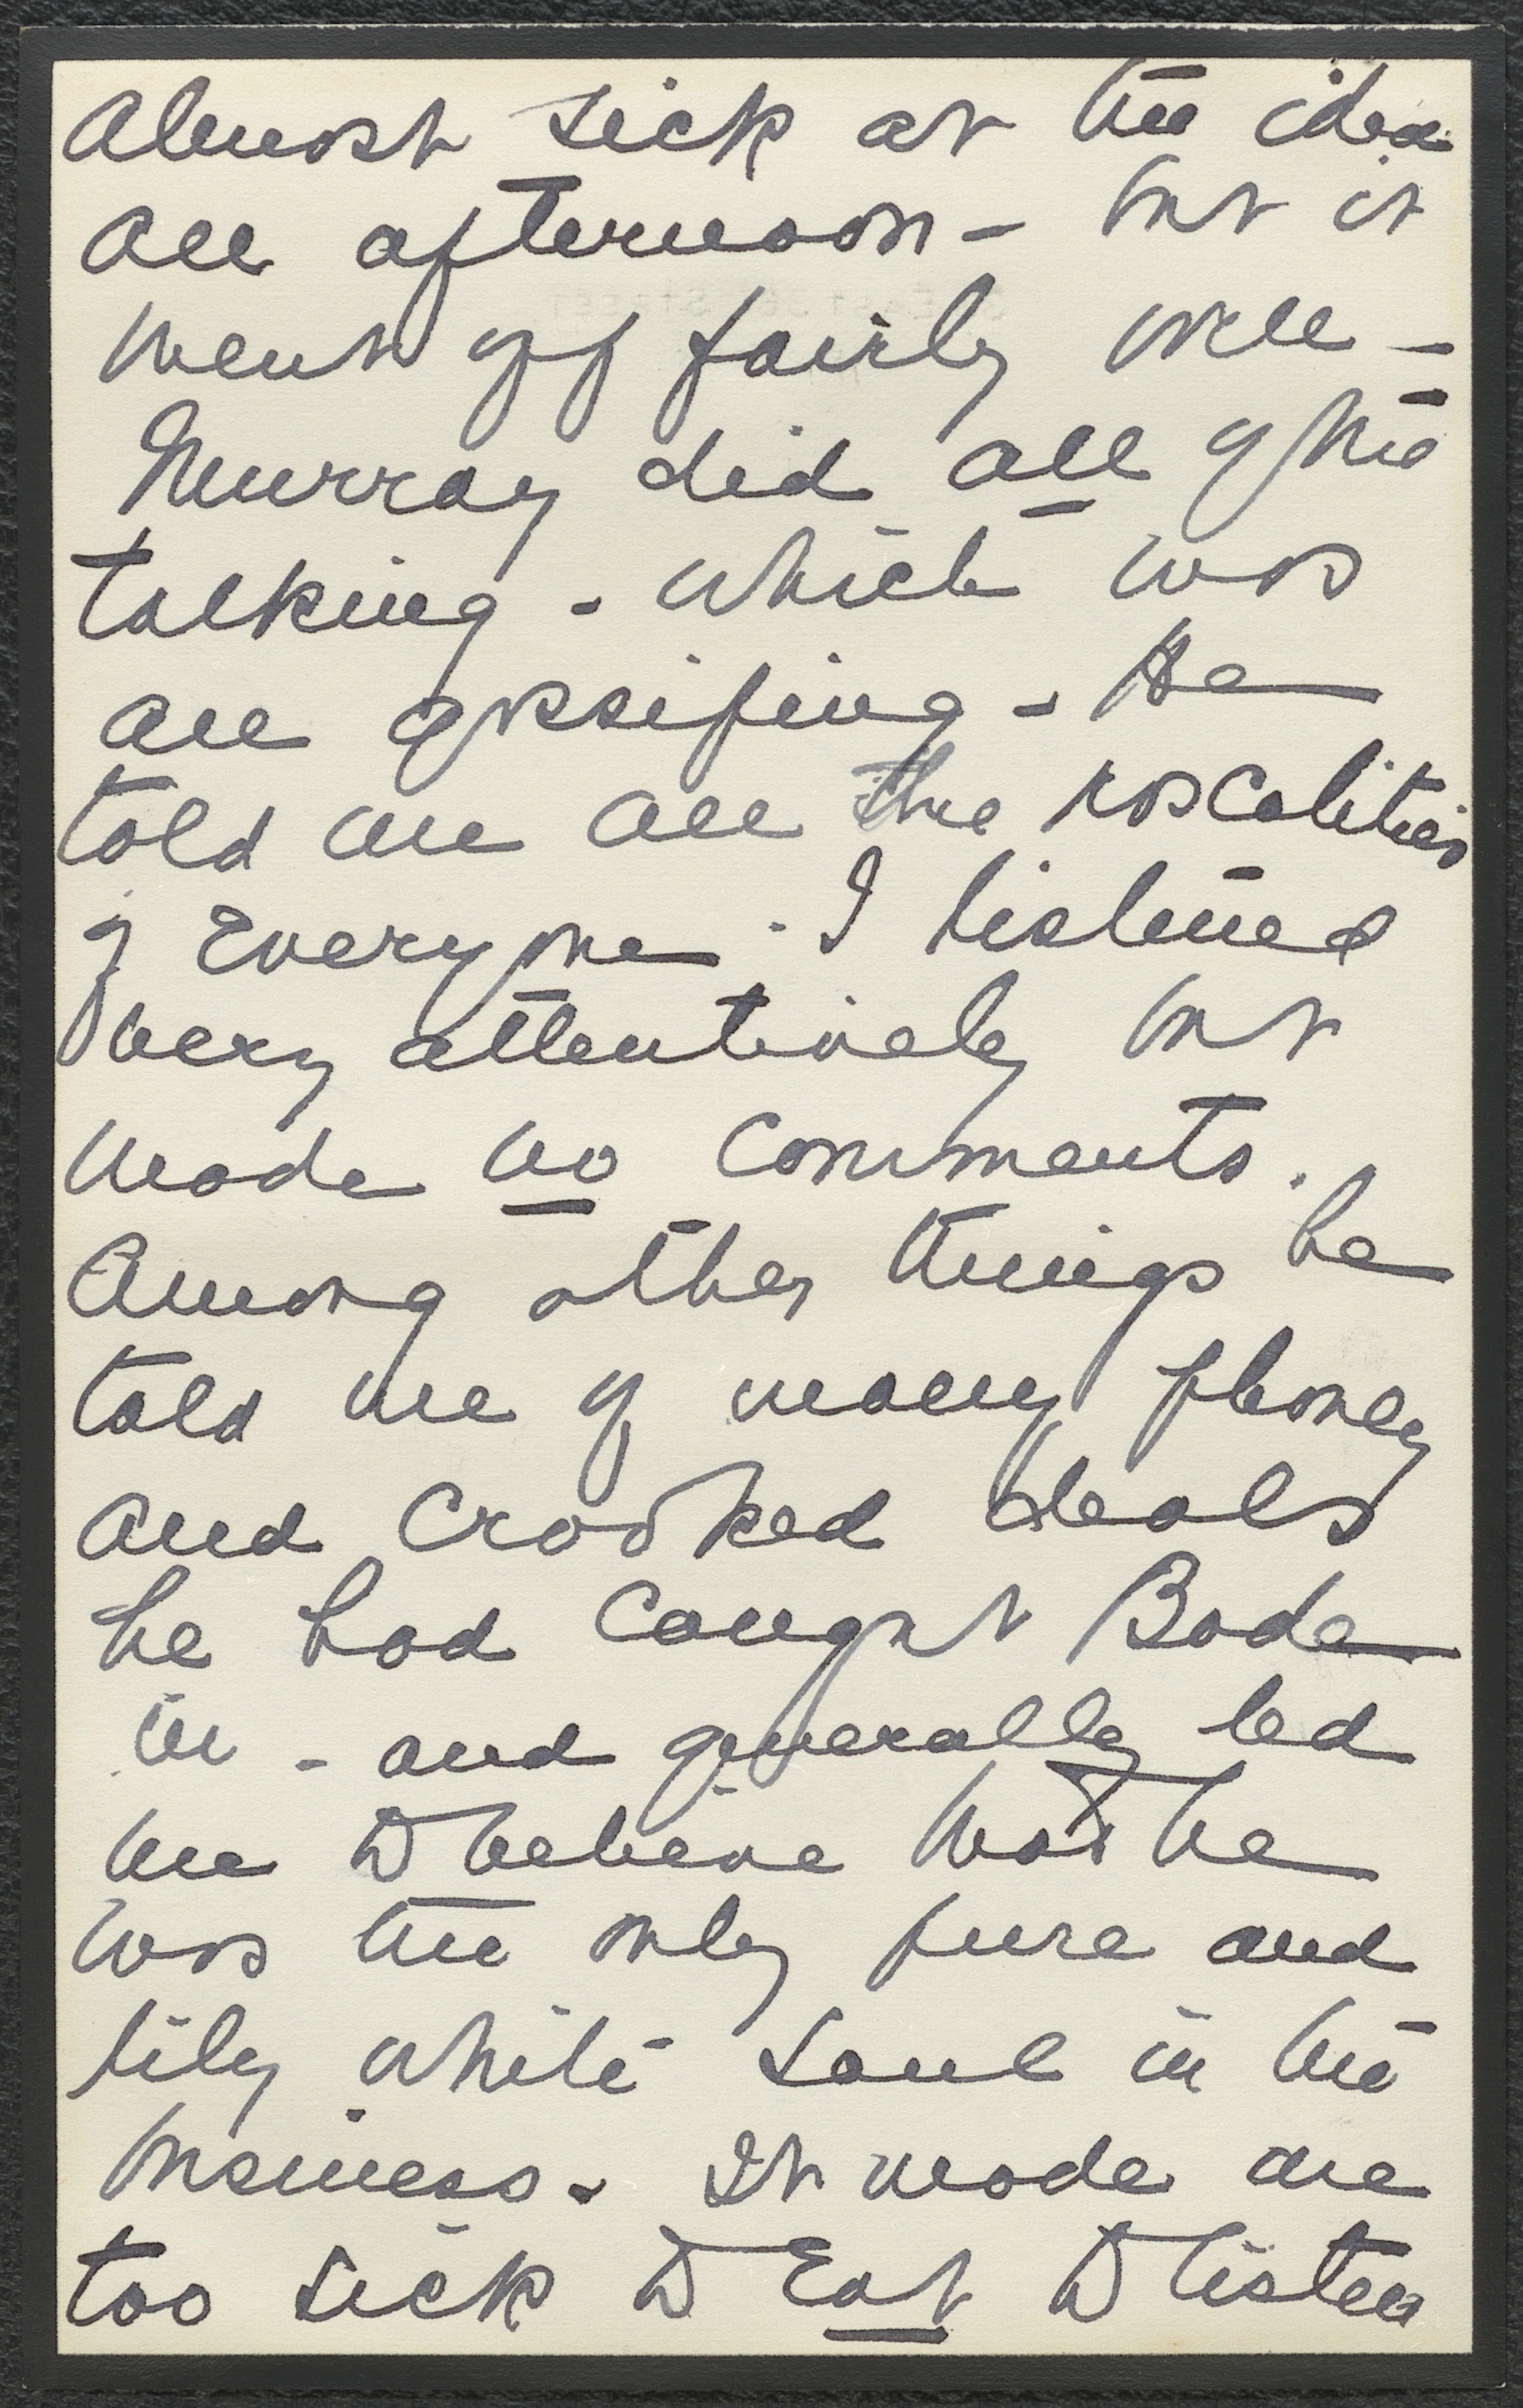almost sick at the idea all afternoon – but it went off fairly well – Murray did all of the talking – which was all gossiping – He told me all the rascalities of everyone. I listened very attentively but made no comments. Among other things he told me of many phoney and crooked deals he had caught Bode in – and generally led me to believe that he was the only pure and lily white soul in the business – It made me too sick to eat to listen